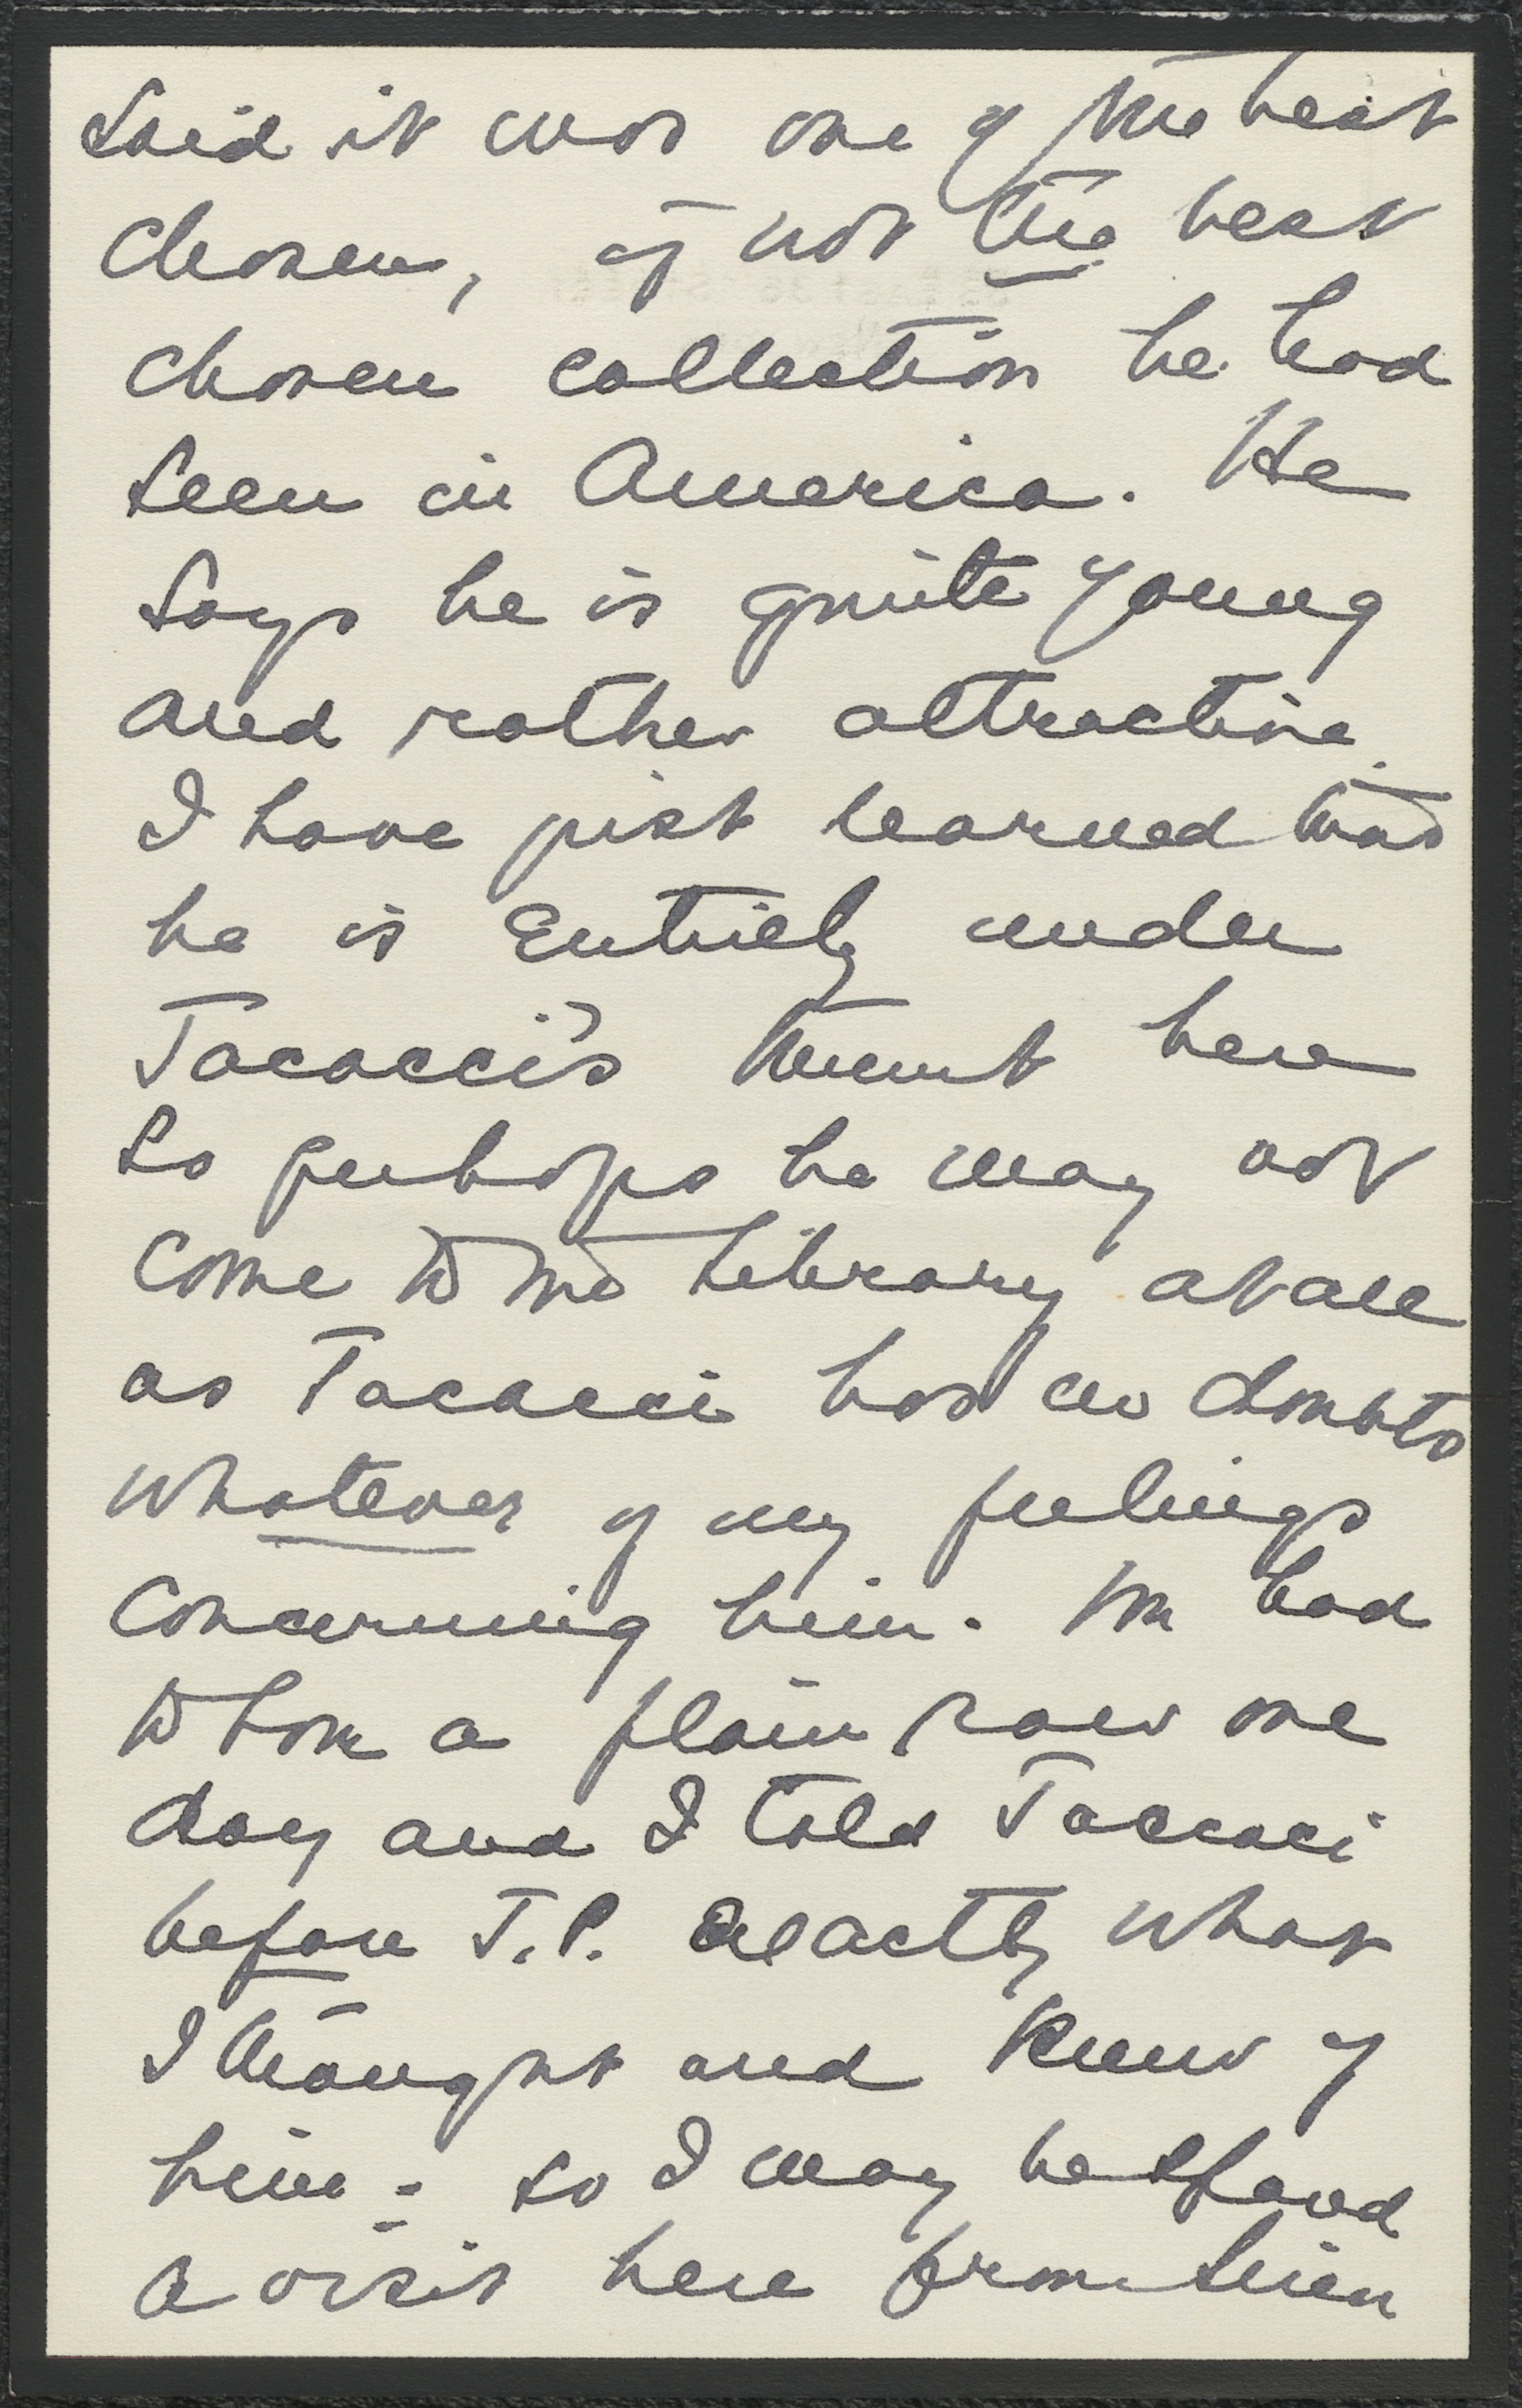said it was one of the best Chinese, if not the best Chinese collection he had seen in America. He says he is quite young and rather attractive. I have just learned that he is entirely under Jacacci’s thumb here so perhaps he may not come to the Library at all as Jacacci has no doubts whatever of my feelings concerning him. We had to have a plain row one day and I told Jaccaci before J.P. exactly what I thought and knew of him – so I may be spared a visit here from Siren